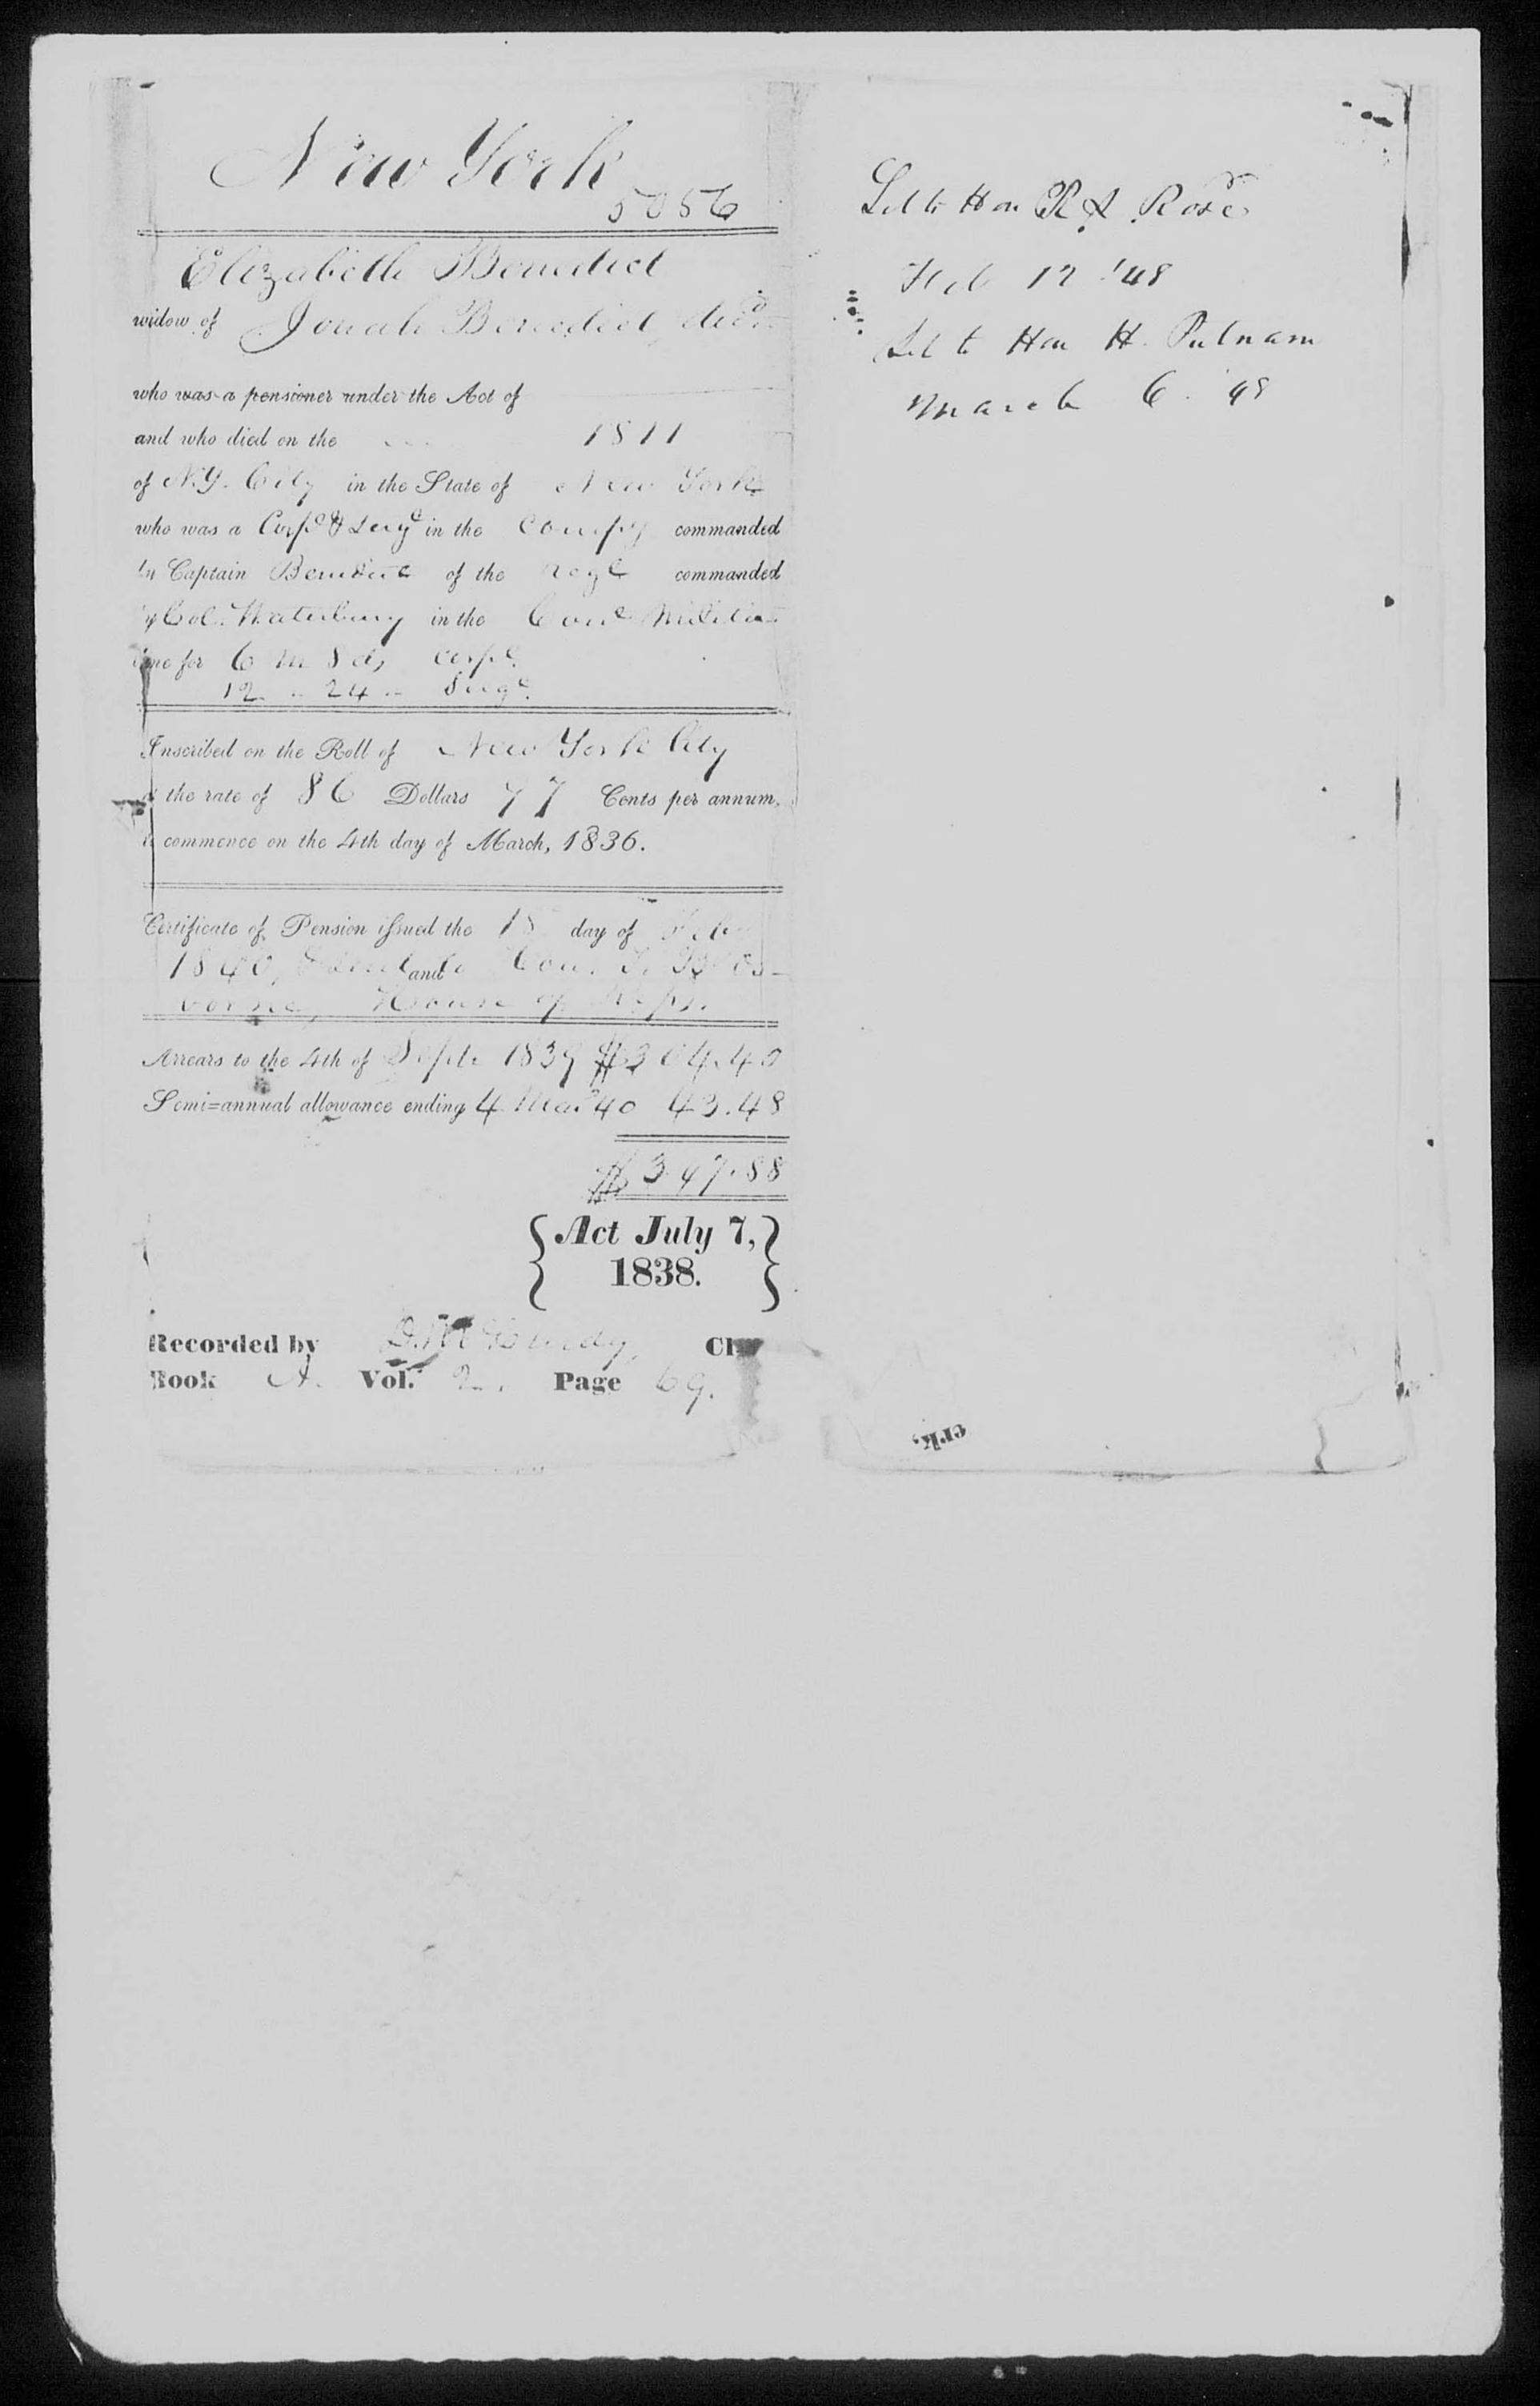New York
          5056
_______________________________
Elizabeth Benedict
widow of Jonah Benedict decd
who was a pensioner under the Act of
and who died on the            1811
of N. Y. City in the State of New York
who was a Corpl & Sergt in the Compy commanded
Captain Benedict of the Reg commanded
Col Waterbury in the Conn. Militia
line for 6 m 8 ds Corpl
           12 " 24. "  Sergt
______________________________
Inscribed on the Roll of New York City
the rate of 86 Dollars 77 Cents per annum,
to commence on the 4th day of March, 1836.
_____________________________
Certificate of Pension issued the 15 day of feb
1840 and  Hon T H Put-
nam   House of Reps
______________________________________
Arrears to the 4th of Sep 1839                             $304.40
Semi=annual allowance ending 4 Mar 40                43.48
                                                                             $347.88

                                          {Act July 7,}
                                           {  1838.    }
Recorded by   D. W Curdy        Clerk
Book A. Vol. 2. Page 69
C
Lellen & Rose
Feb 1748
to Hon H. Putnam
March 6. 48

Let to R. S. Rose
Feb 12 '48
Let to Hon H Putnam
March 6 '48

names: Jonah Benedict, R S Rose, Elizabeth Benedict, Waterbury, D W Curdy, Benedict, T, H Putnam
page: 19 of 56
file: [ILLEGIBLE], Jonah Benedict, Conn.